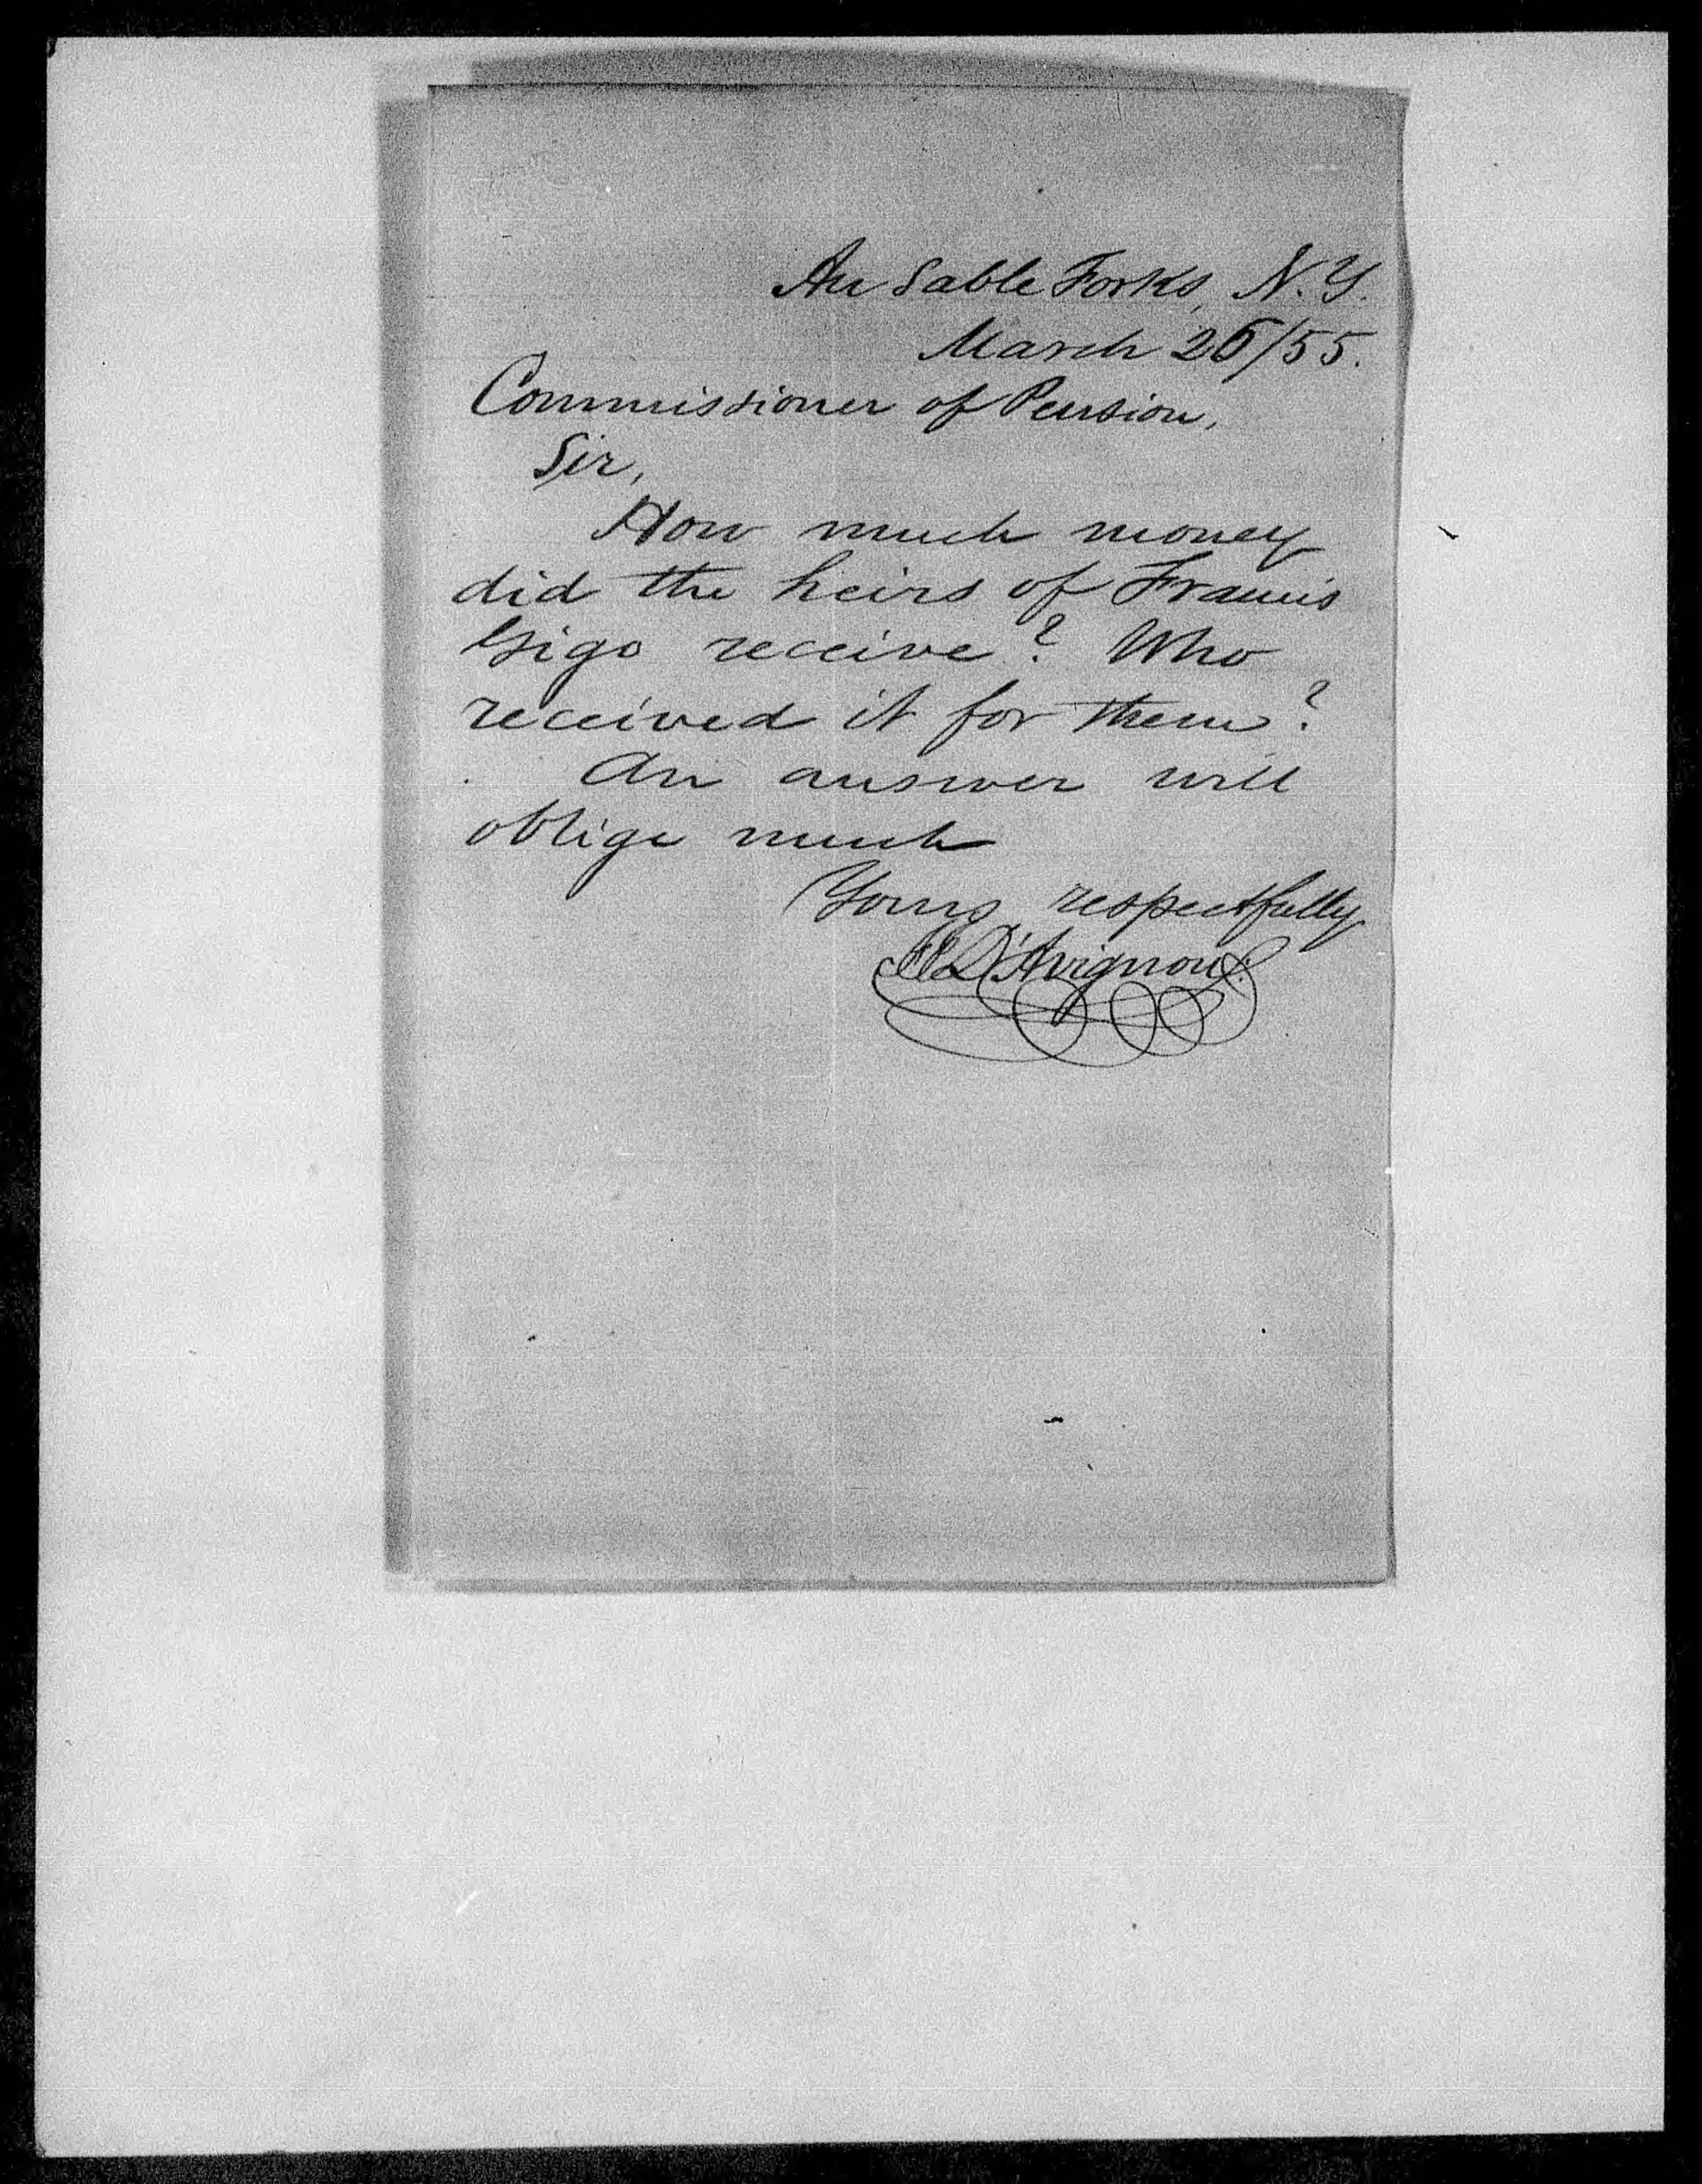Au Sable Forks, N.Y.
March 26/55
Commissioner of Pension,
Sir,
How much money did the heirs of Francis Gigo receive? Who received it for them? An answer will oblige much.
Yours respectfully
  F.J.. D'Avignon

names: Francis Gigo, F J D Avignon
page: 27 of 98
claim: widow's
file: W. 21182, Francis Gigo, Continental (Canadian)